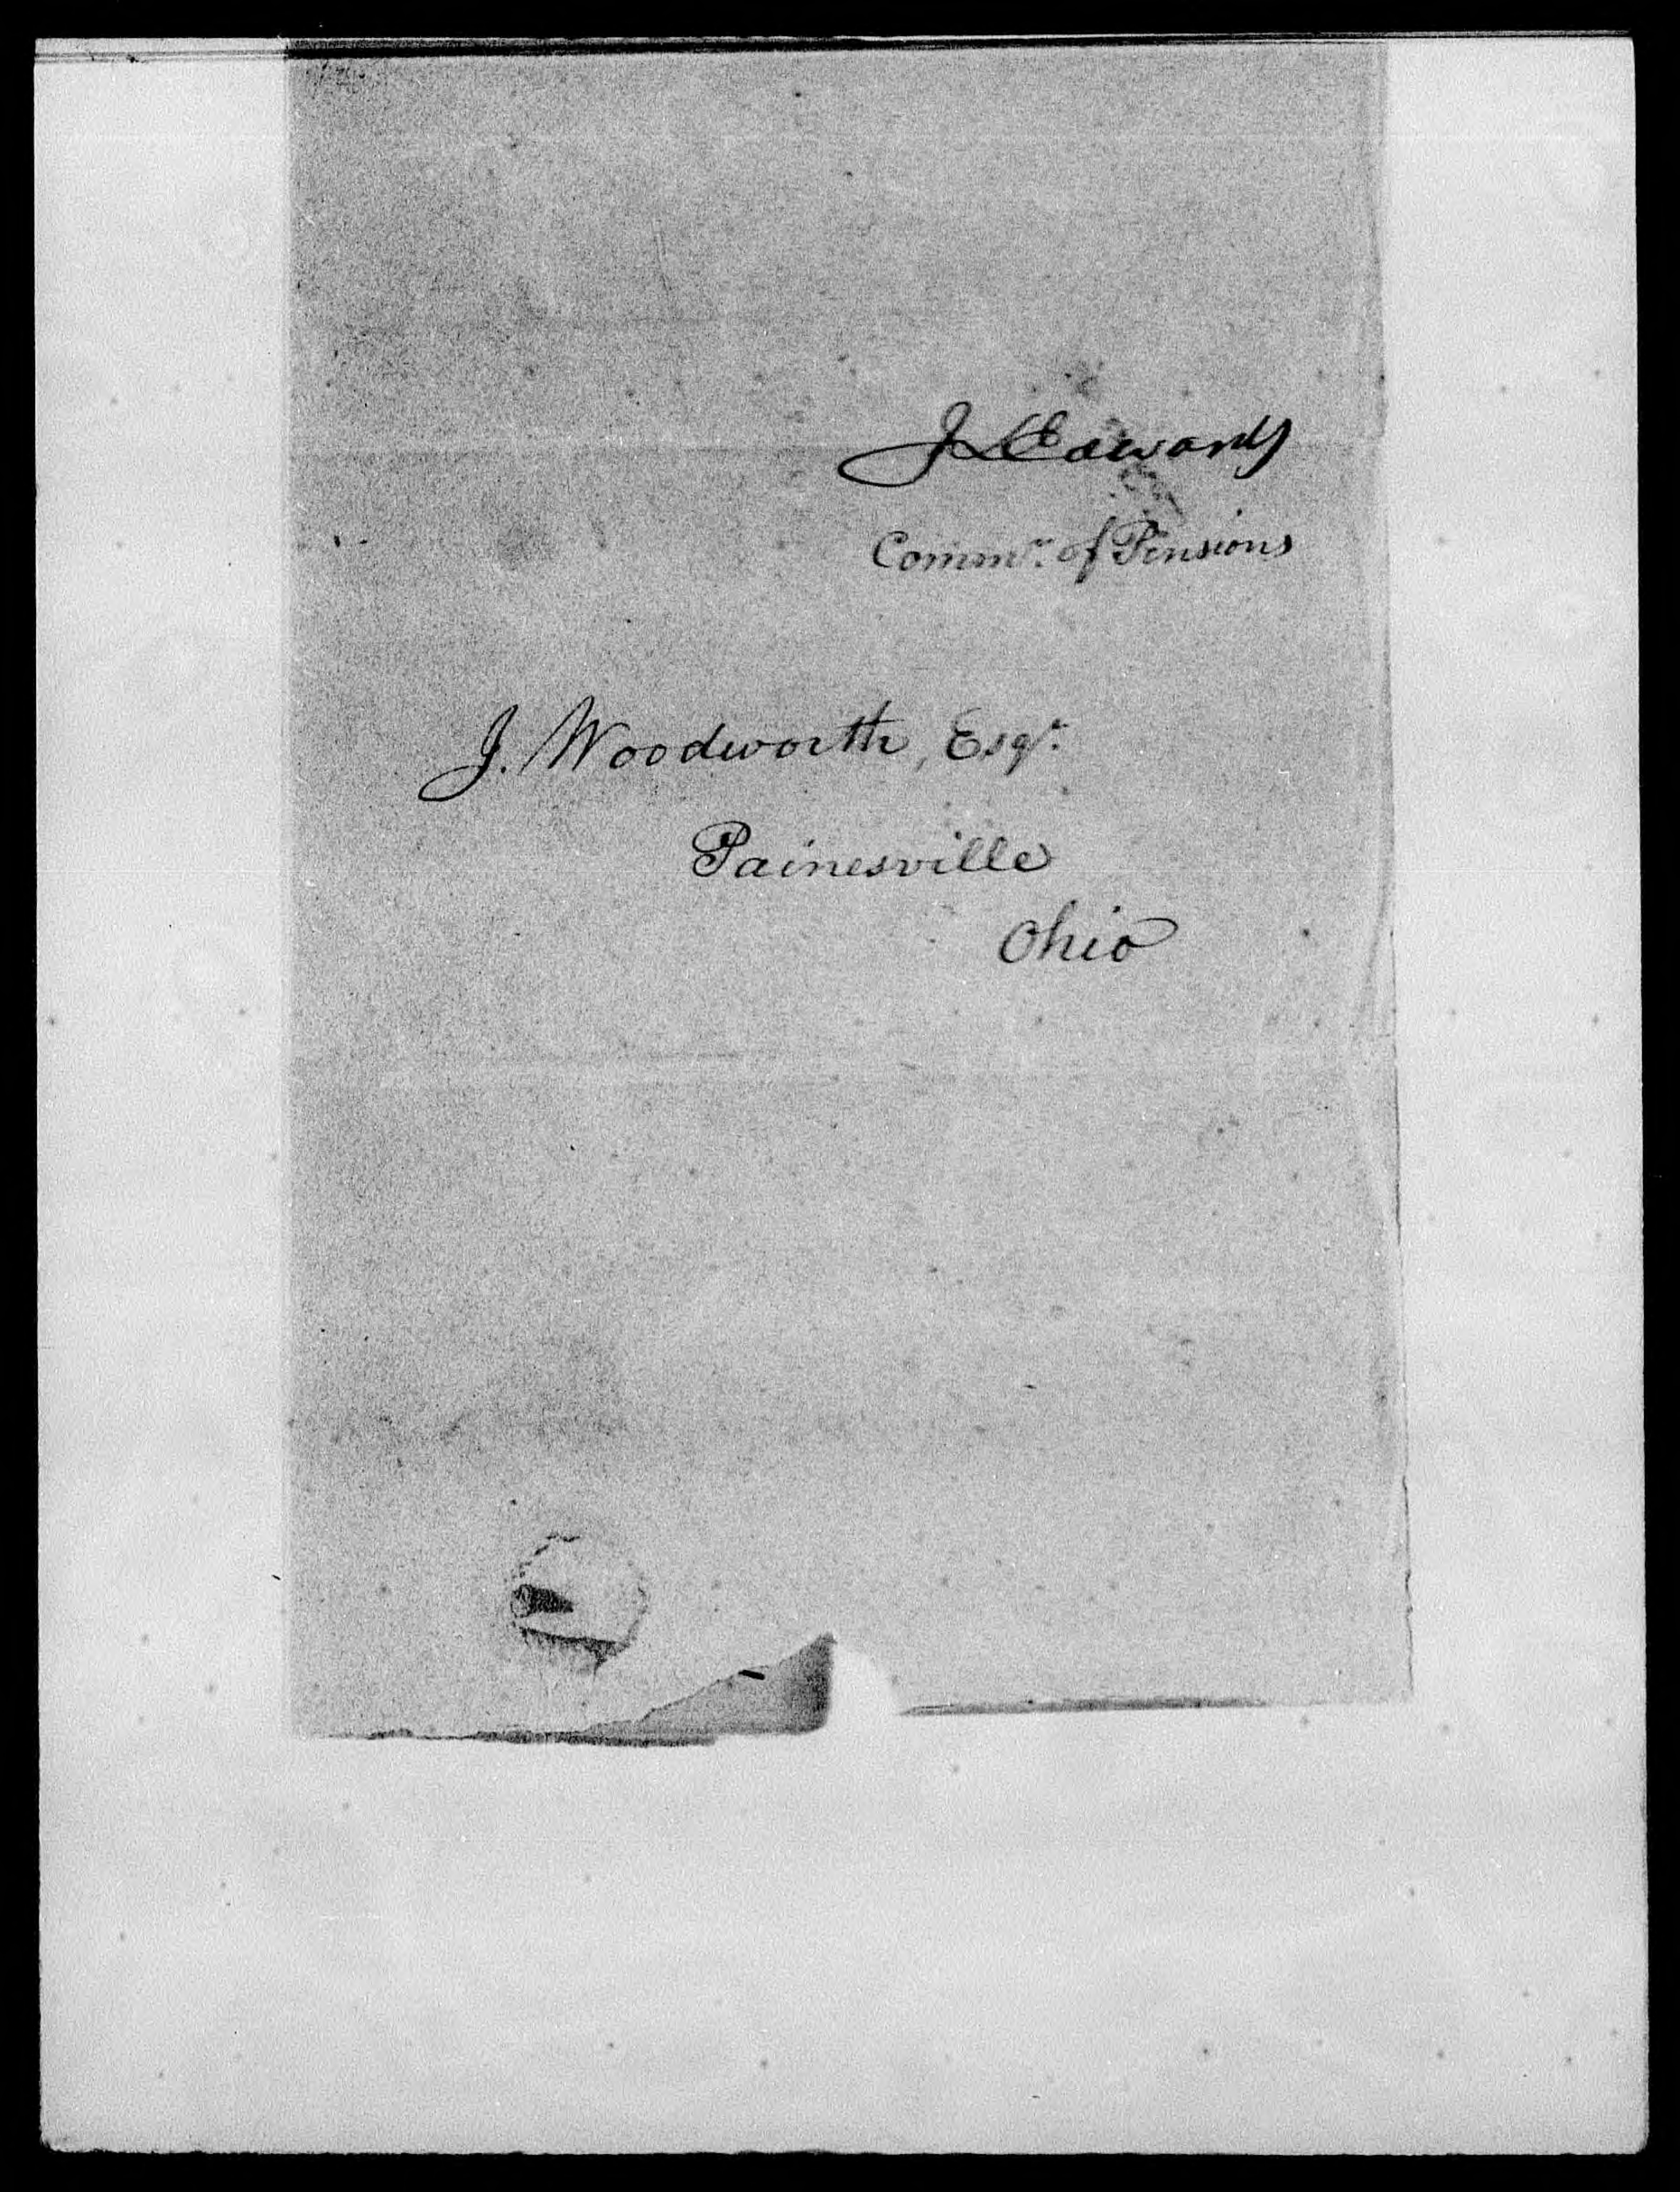J L Edwards
Commsnr. of Pensions
J. Woodworth, Esq.
Painesville
Ohio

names: J L Edwards, J Woodworth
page: 31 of 44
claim: survivor's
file: S. 23639, Jonathan Fowler, New York